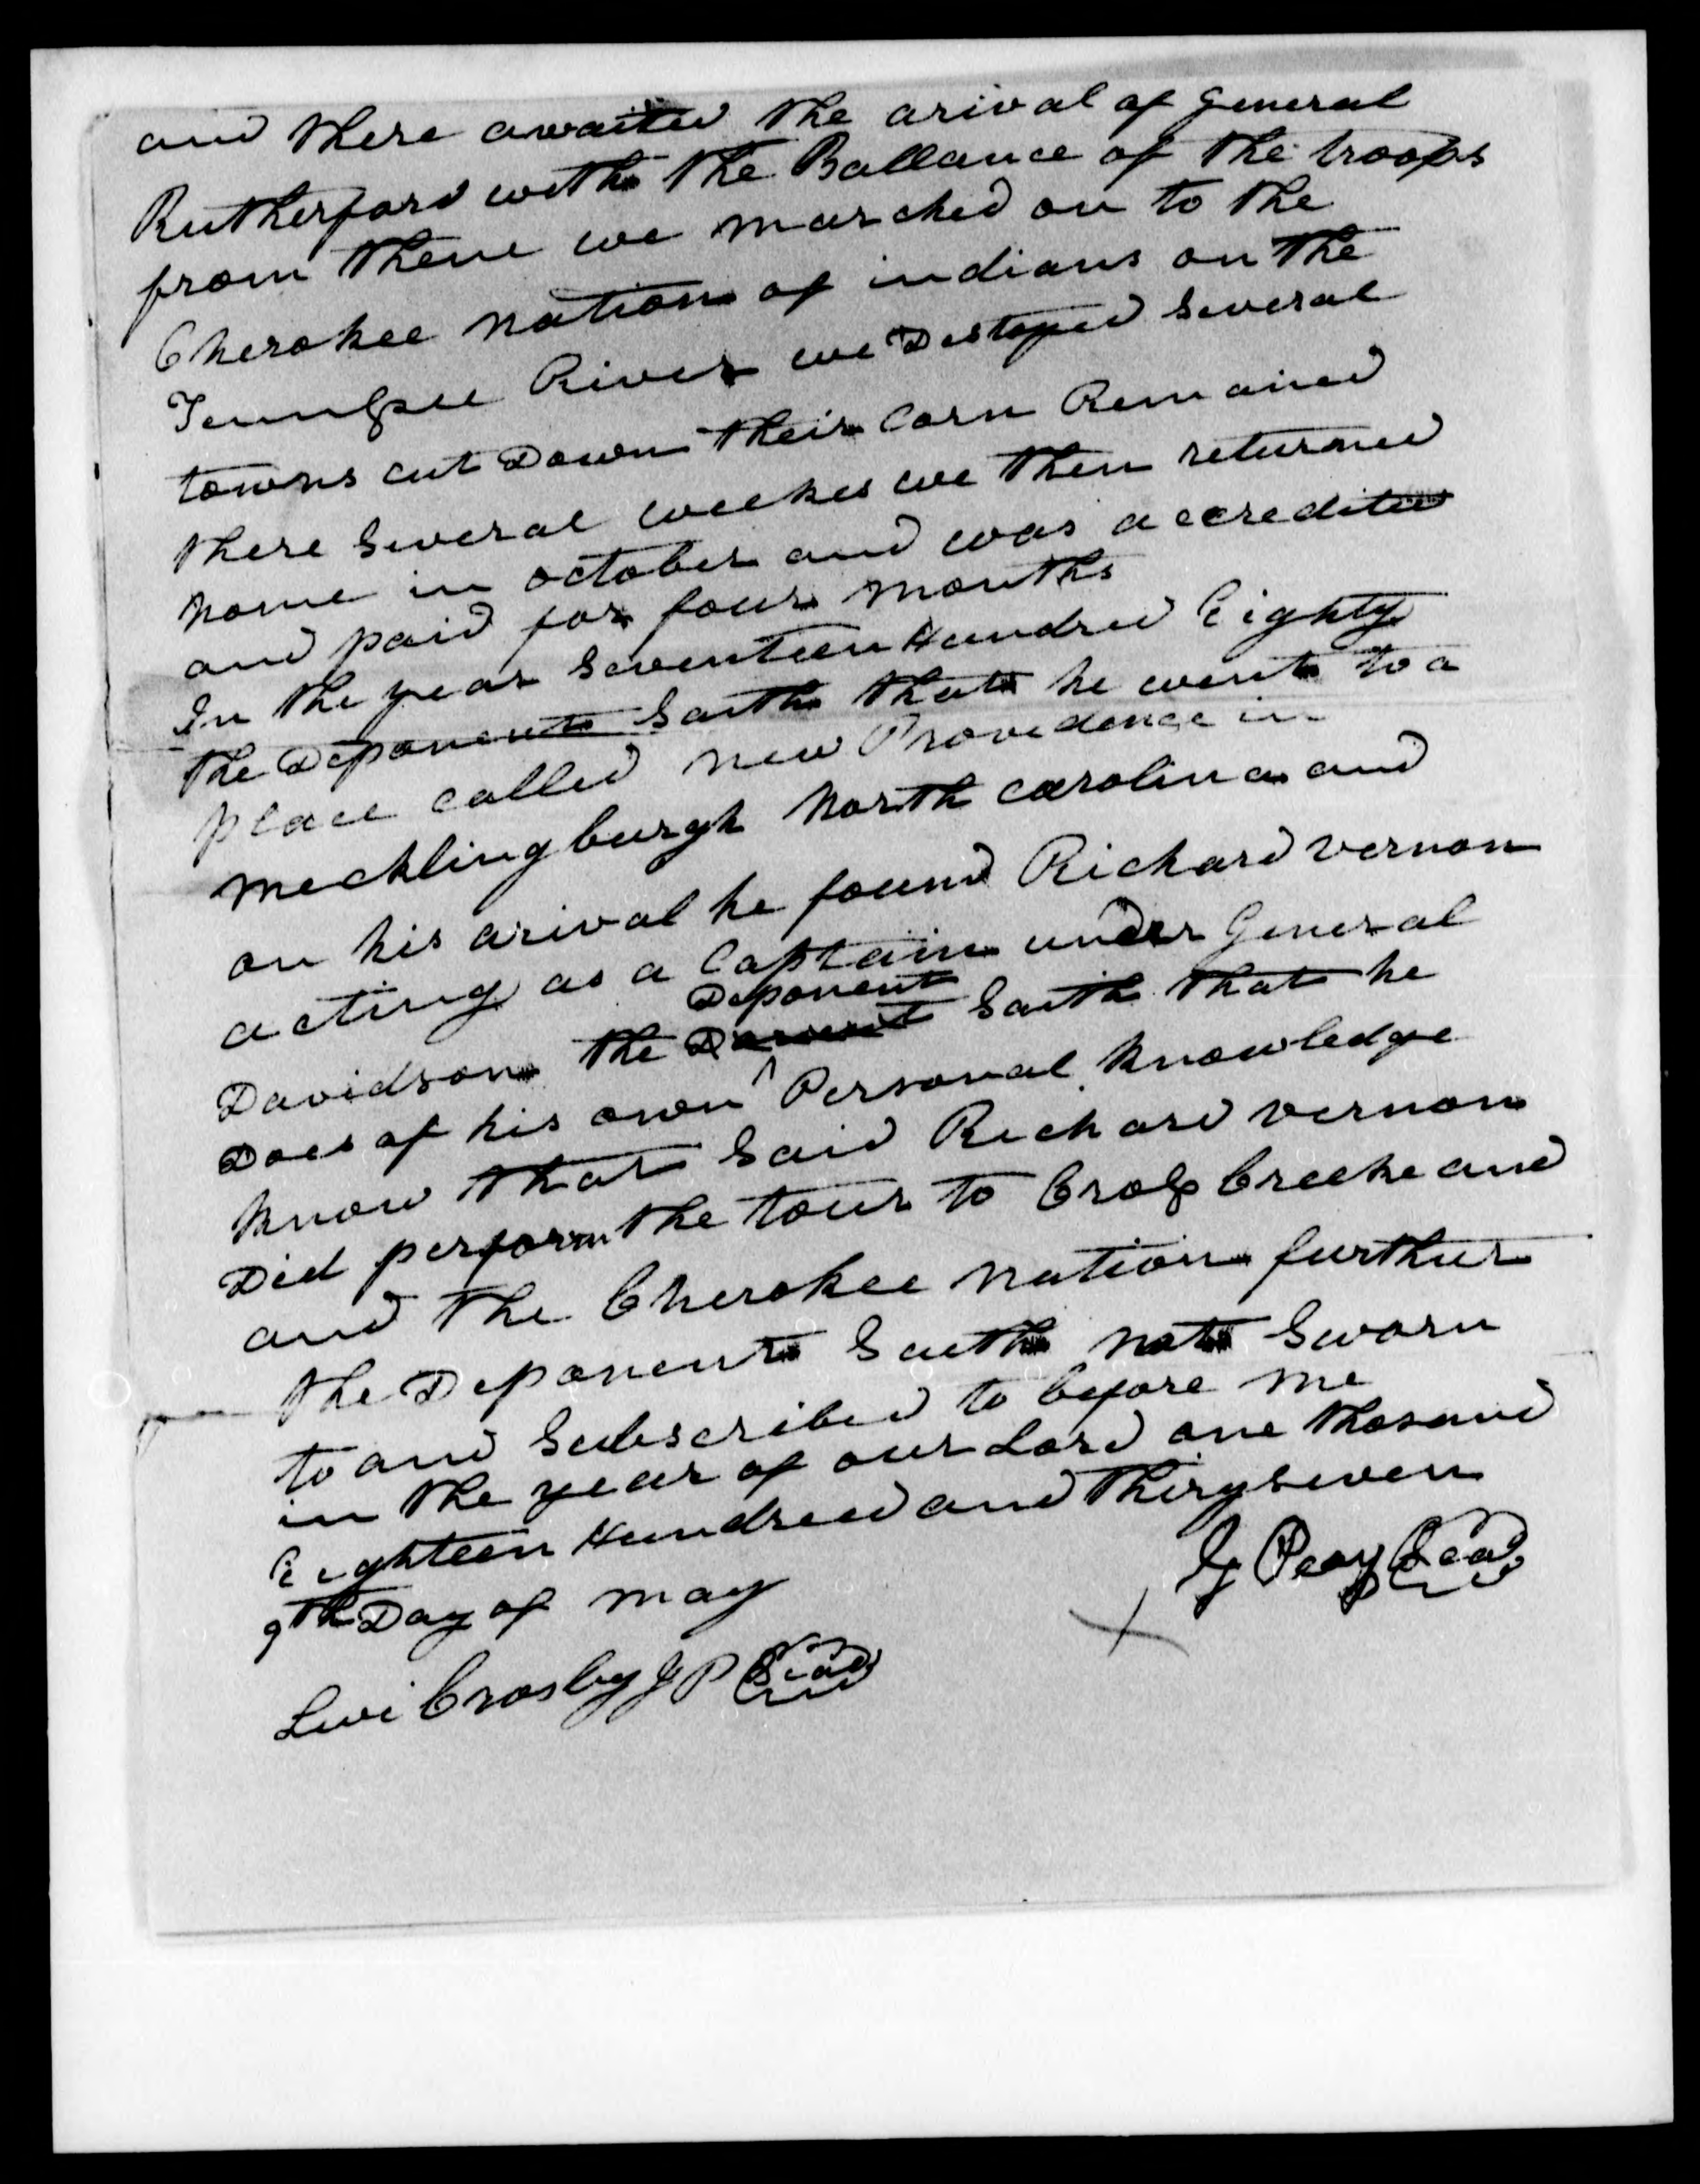and there awaited the arrival of General Rutherford with the Ballance [sic] of the troops from there we marched on to the Cherokee nation of indians on the Tennessee River we destroyed several towns cut down their corn Remained there several weeks we then returned home in October and was accredited and paid for four months. In the year Seventeen Hundred Eighty the Deponent Saith that he went to a place called New Providence in Mecklenburg North Carolina and on his arival [sic] he found Richard Vernon acting as a Captain under General Davidson the Deponent Saith that he does of his own Personal Knowledge know that Said Richard Vernon did perform the tour to Cross Creek and and [sic] the Cherokee nation further the Deponent Saith not.  Sworn to and Subscribed to before me in the year of our Lord one Thousand eighteen Hundred and thirty seven 9th Day of May. 

George Peay {Seal}
Levi Crosby JP {Seal}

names: Richard Vernon, G Peay, Richard Vernon, Levi Crosby, Davidson, Rutherford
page: 43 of 105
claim: survivor's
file: S. 1883, Richard Vernon, N.C.